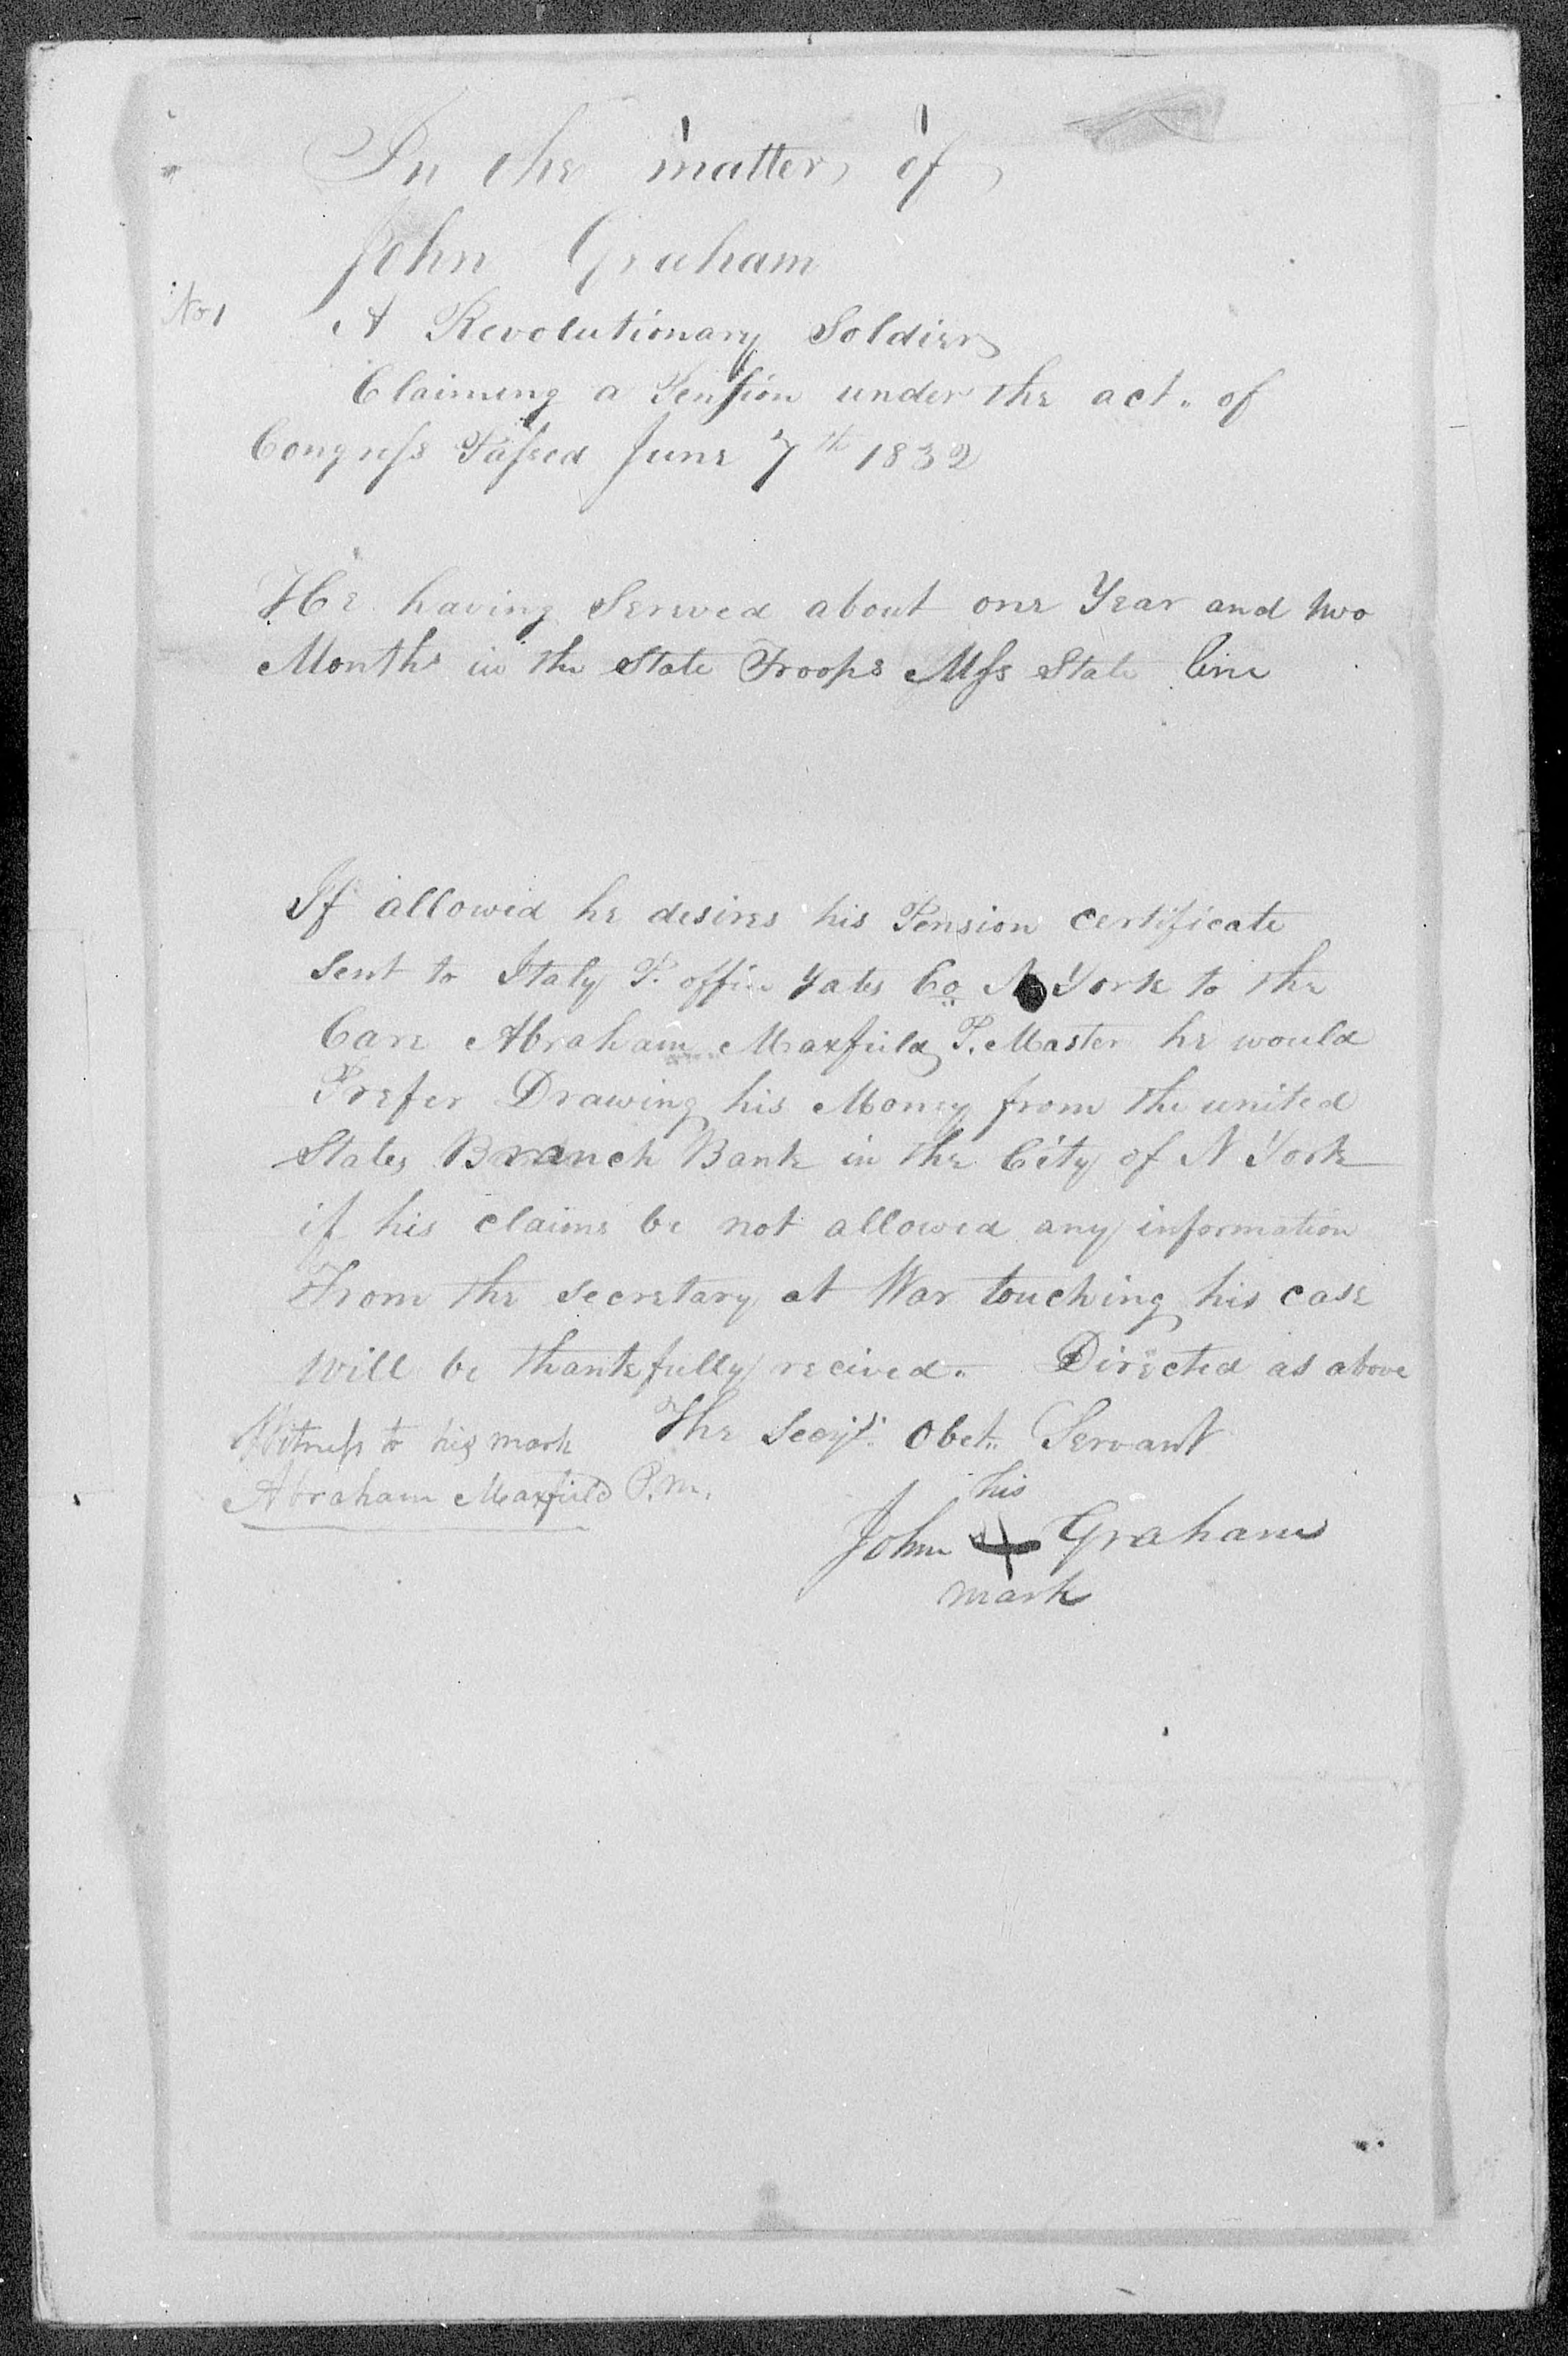No 1

In the matter
John Graham
of
Revolutionary Soldier
claiming a Pension under the act of
Congress passed June 7th 1832

He having served about one year and two
Months in the State Troops Mass State line


If allowed he desires his pension certificate
sent to Italy P. office Yates Co N York to the
Care Abraham Maxfield P. Master he would
Prefer Drawing his Money from the United States Branch Bank in the City of N York
if his claims be not allowed any information
from the Secretary at War touching his case
will be thankfully received. Directed as above

The Seoris.. Obet.. Servant
      his
John + Graham
     mark

Witness to his mark
Abraham Maxfield P.M.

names: John Graham, John Graham, Abraham Maxfield, Abraham Maxfield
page: 4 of 28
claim: survivor's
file: S. 22799, John Graham, Mass